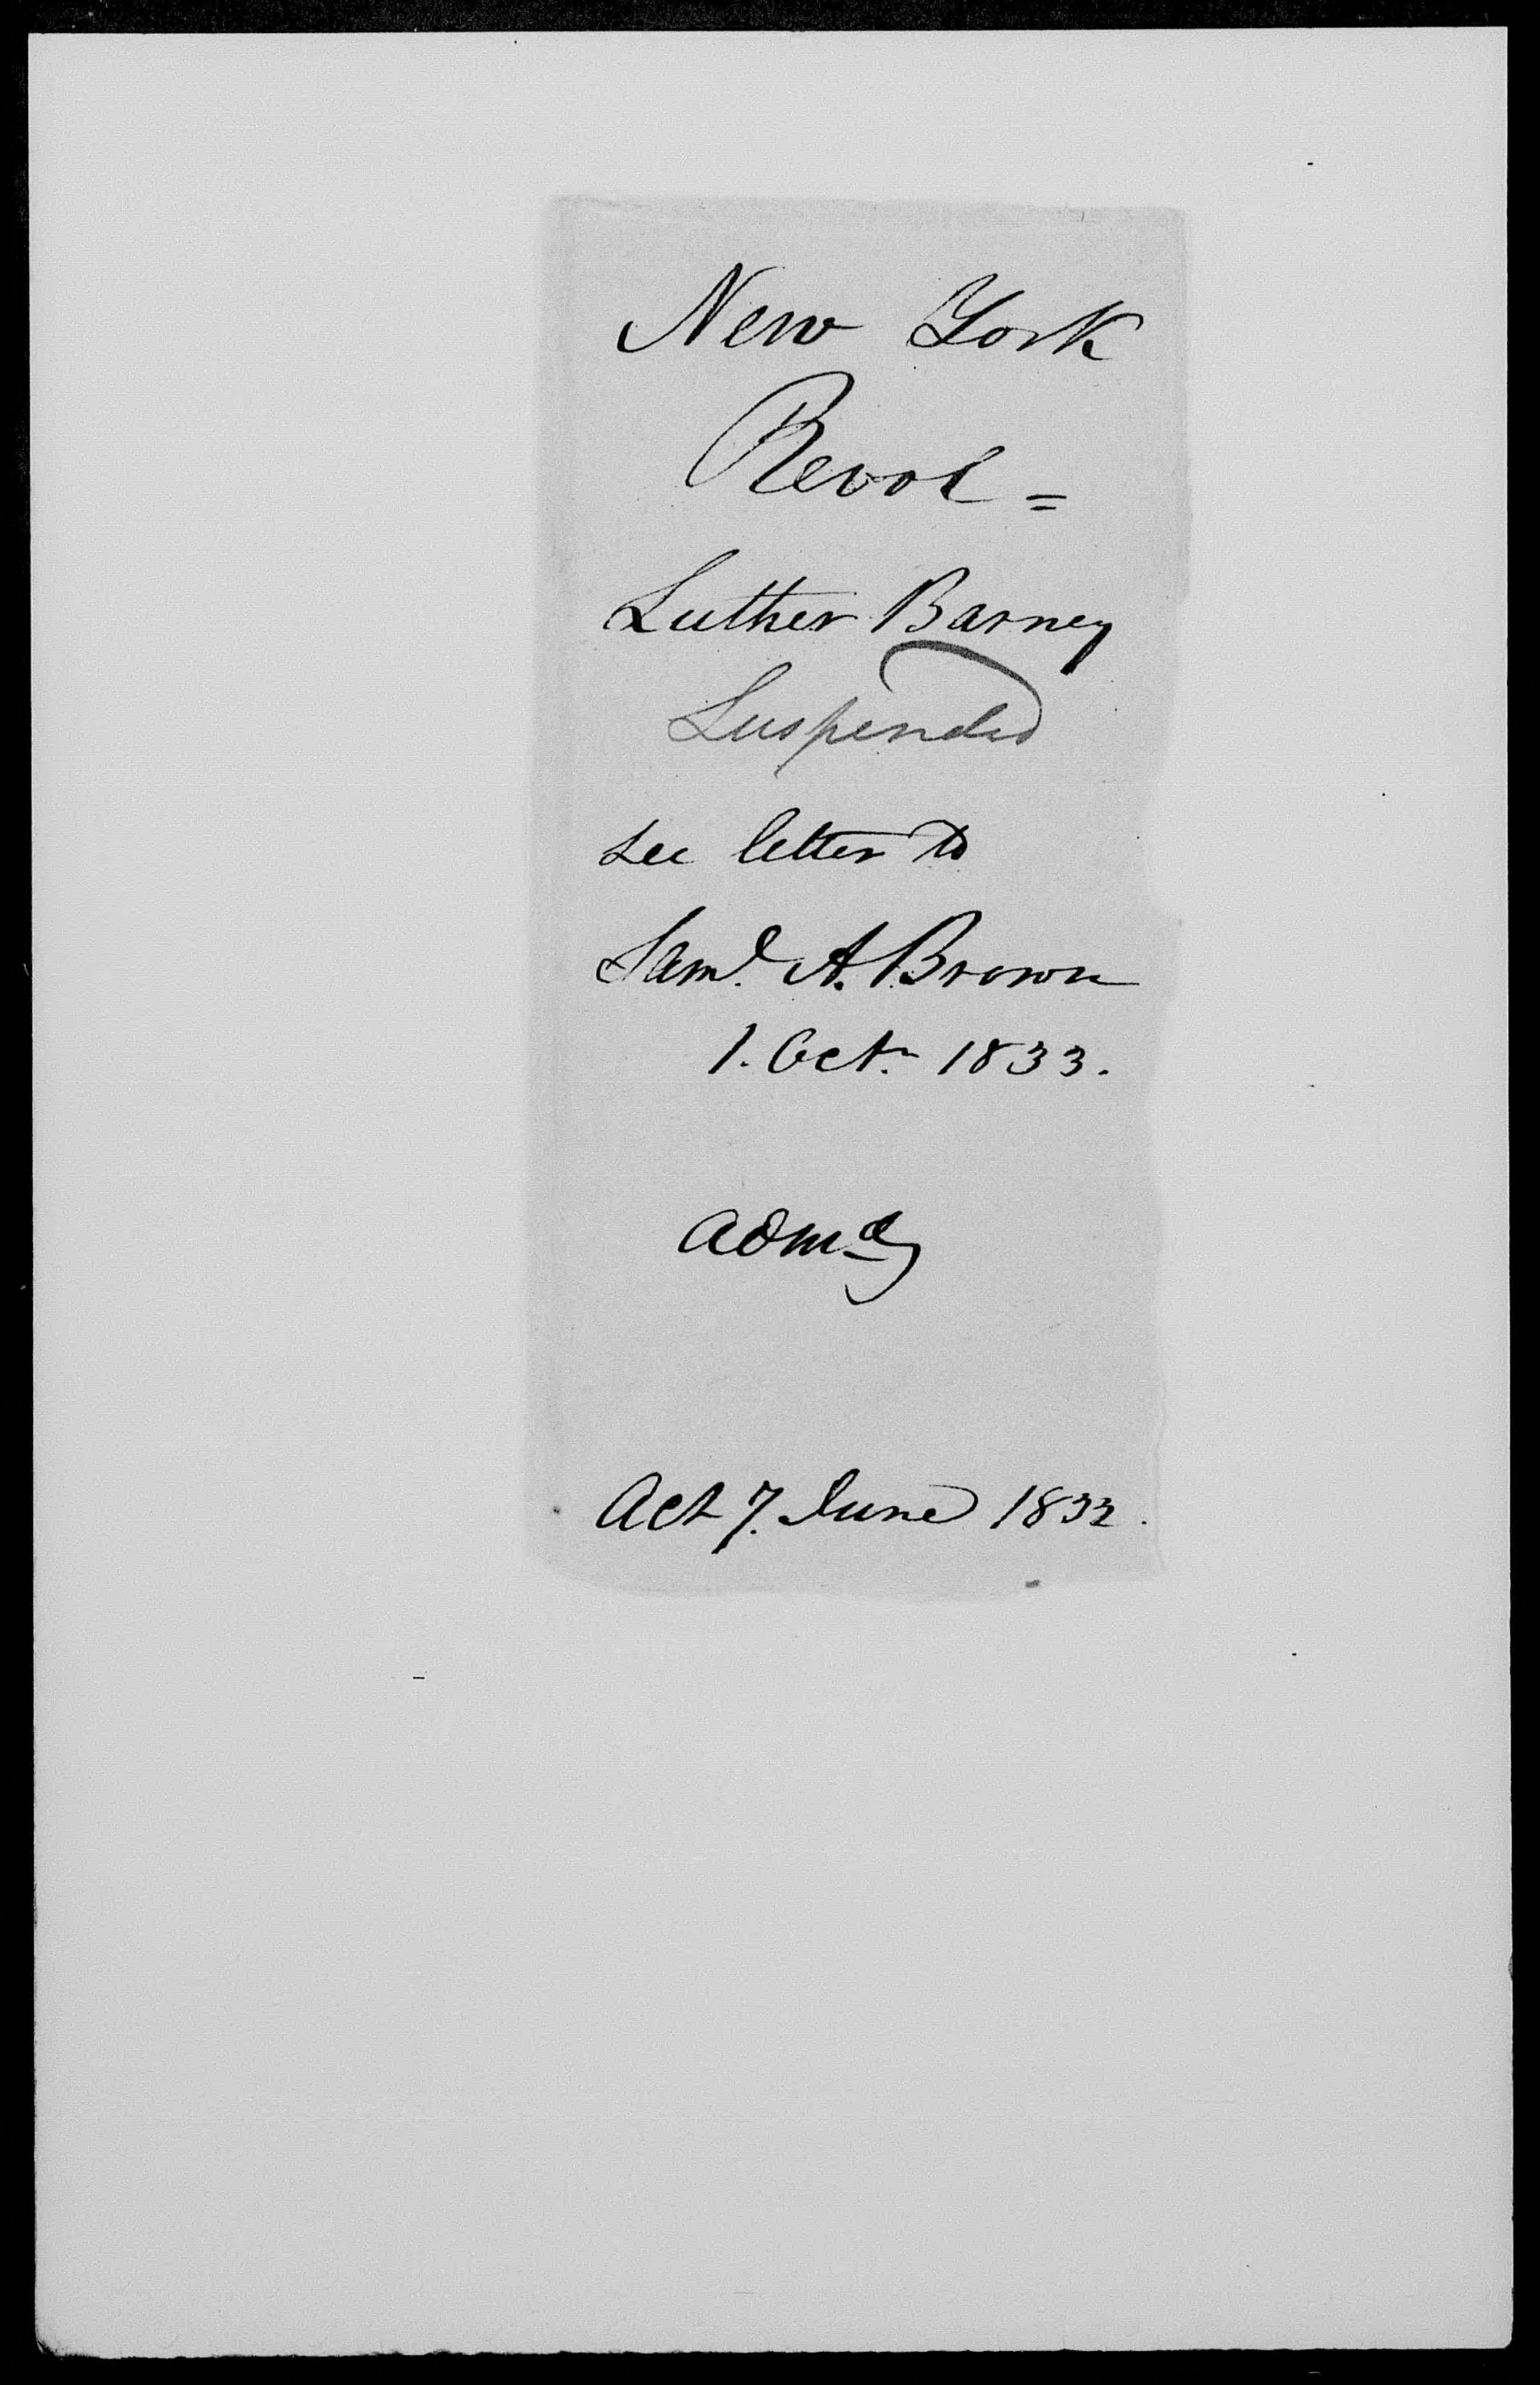New York
Revol =
Luther Barney
Suspended
See letter to
Saml A. Brown
1. Oct 1833.
Adm
Act 7 June 1832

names: Luther Barney, Saml A Brown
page: 24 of 61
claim: widow's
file: W. 4.124, Luther Barney, Conn. Privateer.